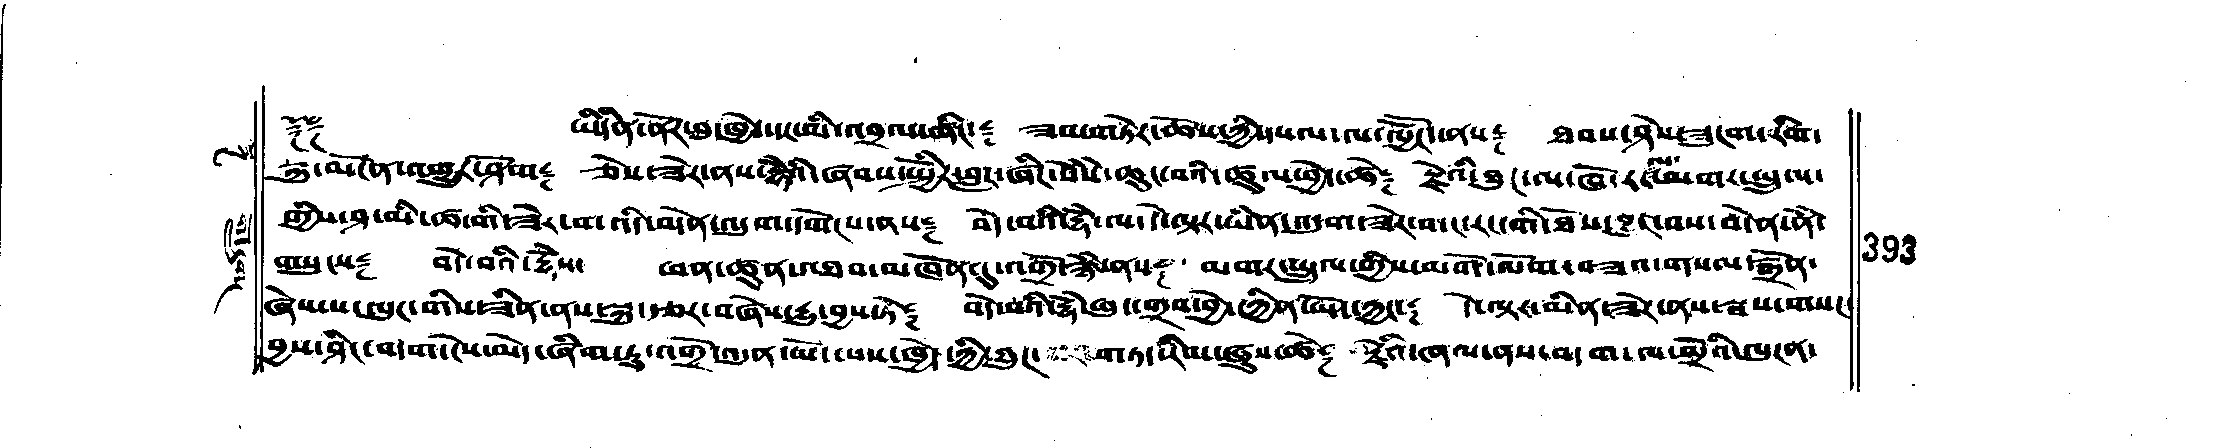།ཡིད་བཞིན་ནོར་བུ་ཁྱེད་དང་མི་འབྲལ་ཞིང་། །ཟབ་གཏེར་ཆོས་ཀྱི་དཔལ་ལ་ལོངས་སྤྱོད་ནས། །ཐབས་ཤེས་ཟུང་འཇུག་རིག་
སྐུ་མངོན་འགྱུར་ཤོག །ཅེས་ཟེར་ནས་རྡོ་རྗེའི་ཞབས་སྤྱི་བོར་བླང་ཞིང་སེམས་ཆུང་བའི་ཚུལ་བྱེད་ཚེ། རྗེའི་ཐུགས་ལ་ཁོ་རང་ལ་མགར་སྤྲུལ་
གྱིས་ཤ་མི་ཚ་གི་ཟེར་བ་འདི་བདེན་འདུག་དགོངས་ནས། བདེ་བའི་རྡོ་རྗེ་ལ་དེ་ལྟར་ཡིན་འདུག་ཟེར་བ་ང་རང་གི་ཐོས་བྱུང་བས་བདེན་ནམ་
གསུངས། བདེ་བའི་རྡོ་རྗེས། ཕན་ཚུན་འཐབ་མཁོན་དུ་འགྲོ་སྙམ་ནས། མགར་སྤྲུལ་གྱིས་མགོ་ལོག་བཟའ་གསལ་སྒྲོན་
ཞེས་པ་ལུང་གིས་ཟིན་ནས་སྐུ་རྩར་བཞེས་རྒྱུ་བྱས་ཏེ། བདེ་བའི་རྡོ་རྗེ་ཕུད་གྲབས་བྱེད་ཀྱིན་ཡོད་ཀྱང་། དེ་ལྟར་མིན་ཟེར་ནས་སྦས་གསང་
བྱས་ཤིང་བདག་ངེས་མེད་ཞིག་ཏུ་འགྲོ་འདུན་ཡོད་པས་ཁྱེདཀྱི་ཐུགས་གཏད་རིམ་༼རེམ་?༽ཞུས་ཚེ།རྗེའི་ཞལ་ནས་བདག་ལ་མཁའ་འགྲོའི་ལུང་བསྟན་